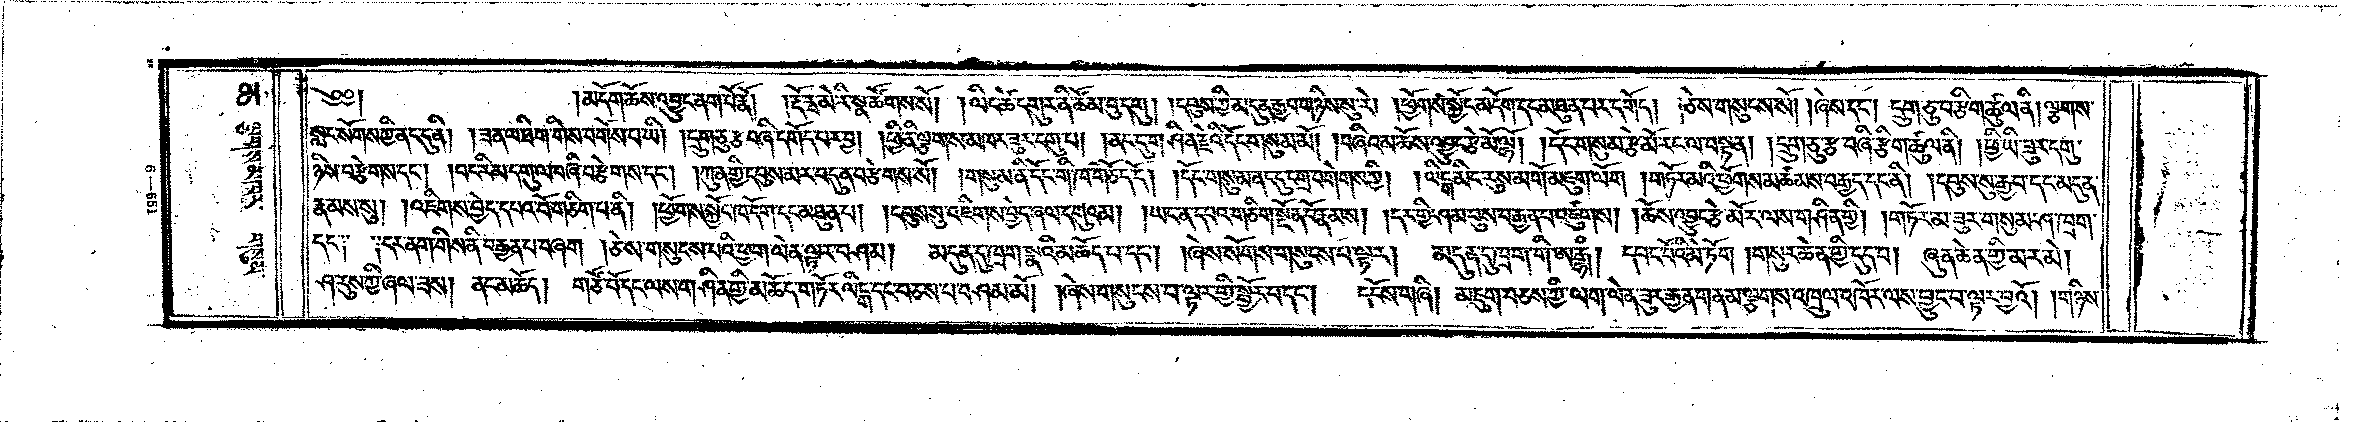༄༅། །མདོག་ཆོས་འབྱུང་ནག་པོ་རྣོ། །རྡོ་རྭ་མེ་རི་སྣ་ཚོགས་སོ། །ལིང་ཚེ་དགུར་ནི་ཚོམ་བུ་དགུ། །དབུས་ཀྱི་མདུན་རྒྱབ་གཉིས་སུ་རེ། །ཕྱོགས་སྐྱོང་མདོག་དང་མཐུན་པར་དགོད། །ཅེས་གསུངས་སོ། །ཞེས་དང་། དྲུག་ཅུ་བརྩིག་ཚུལ་ནི། ལྕགས་
སླང་སོགས་ཀྱི་ནང་དུ་ནི། །ཟན་ལ་ཐིག་གིས་བགོས་པ་ཡི། །དྲུག་ཅུ་རྩ་བཞི་དགོས་པར་བྱ། །ཕྱི་ནི་ལྕགས་མཁར་ཟུར་དགུ་པ། །ནང་དུ་གཤིན་རྗེའི་དོང་གསུམ་མོ། །བཞི་འམ་ཆོས་འབྱུང་རྩེ་མོ་ལྷོ། །དོང་གསུམ་རྩེ་མོ་རང་ལ་བསྟན། །དྲུག་ཅུ་རྩ་བཞི་རྩིག་ཚུལ་ནི། །ཕྱི་ཡི་ཟུར་དགུ་
ཉིས་བརྩེགས་དང་། །བང་རིམ་དགུ་ལ་བཞི་བརྩེགས་དང་། །ཀུན་གྱི་དབུས་མར་བདུན་བརྩེགས་སོ། །གསུམ་ནི་དོང་གི་ཁ་གཅོད་དོ། །དོང་གསུམ་ནང་དུ་དགྲ་བགེགས་ཀྱི། །ལིངྒ་མིང་རུས་མགོ་མཇུག་ལོག །གཏོར་མའི་ཕྱོགས་མཚམས་བརྒྱད་དང་ནི། །དབུས་སུ་རྒྱབ་དང་མདུན་
རྣམས་སུ། །འཇིགས་བྱེད་དཔའ་བོ་གཅིག་པ་ནི། །ཕྱོགས་སྐྱོང་ཁ་དོག་དང་མཐུན་པ། །དབུས་སུ་འཇིགས་བྱེད་ཞལ་དགུའམ། །ཡང་ན་དཔའ་གཅིག་སྔོན་པོ་རྣམས། །དར་གྱི་ཤམ་བུས་བརྒྱན་པ་འཛུགས། །ཆོས་འབྱུང་རྩེ་མོར་ལས་གཤིན་གྱི། །གཏོར་མ་ཟུར་གསུམ་ཤ་ཁྲག་
དང༑ ༑དར་ནག་གིས་ནི་བརྒྱན་པ་བཞག །ཅེས་གསུངས་པའི་ཕྱག་ལེན་ལྟར་བཤམ། མདུན་དུ་ཁྲག་སྣའི་མཆོད་པ་དང་། །ཞེས་སོགས་གསུངས་པ་ལྟར། མདུན་དུ་ཁྲག་གི་ཨརྒྷཾ། དབང་པོའི་མེ་ཏོག །གསུར་ཆེན་གྱི་དུད་པ། ཞུན་ཆེན་གྱི་མར་མེ། ཤ་རུས་ཀྱི་ཞལ་ཟས། ནང་མཆོད། གཙོ་བོ་དང་ལས་གཤིན་གྱི་མཆོད་གཏོར་ལིངྒ་དང་བཅས་པ་བཤམ་མོ། །ཞེས་གསུངས་པ་ལྟར་གྱི་སྦྱོར་བ་དང་། །དངོས་གཞི། མཇུག་བཅས་ཀྱི་ལག་ལེན་ཟུར་རྒྱ་ནག་རྣམ་ལྕགས་འཁྲུལ་འཁོར་ལས་བྱུང་བ་ལྟར་བྱའོ། །གཉིས་